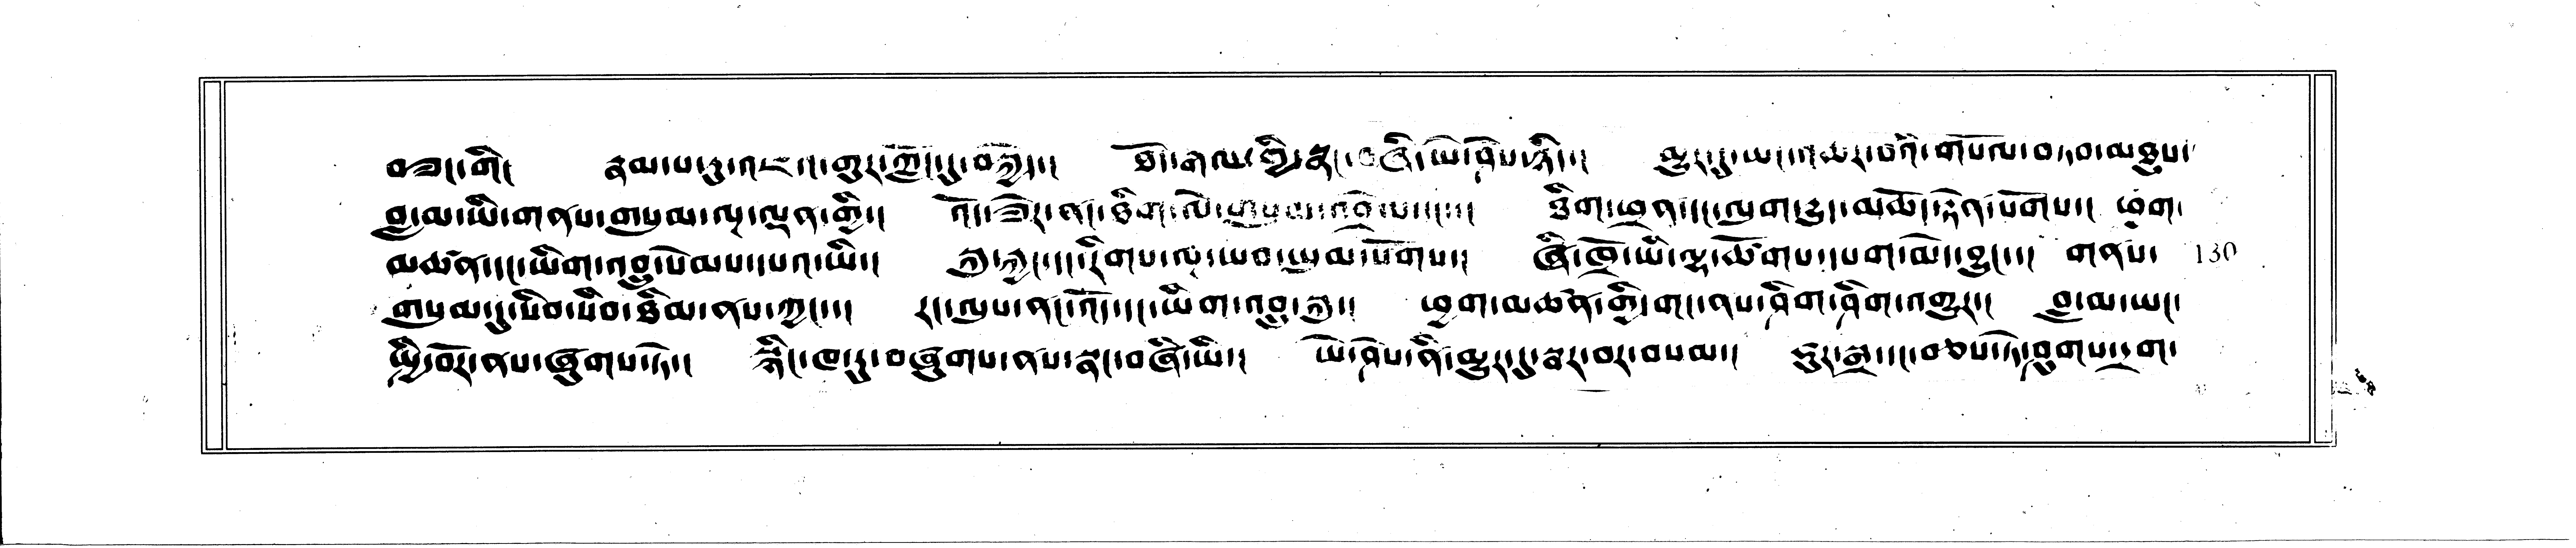བཟང་གི །རྣམ་པ་རུ་འཇའ་གུར་ཀློང་དུ་བསྐྱེད། །ཐོད་རྒལ་གྱི་སྣང་བཞི་ཡེ་ཤེས་ཉིད། །མྱུར་དུ་ཡང་འཆར་བའི་གསོལ་བཏབ་འཐུས།།
བླ་མ་ཡི་གནས་གསུམ་ལྔ་ལྡན་གྱི། །འོད་ཟེར་ནང་ཐིག་ལེ་གསུམ་འབྲེལ་དང་། །ཐིག་ཕྲན་དང་ལུག་རྒྱུད་མཆོད་རྟེན་སོགས། །ཕྱག་
མཚན་དང་ཡིག་འབྲུ་སེམས་དཔའ་ཡི། །སྐུ་རྐྱང་དང་རིགས་ལྔ་ཡབ་ཡུམ་སོགས། །ཞི་ཁྲོ་ཡི་ལྷ་ཚོགས་དཔག་མེད་བྱུང་། །གནས་
གསུམ་དུ་སིབ་སིབ་ཐིམ་ནས་ཀྱང་། །རང་ལུས་ནང་འོད་དང་ཡིག་འབྲུ་སྐུ། །ཕྱག་མཚན་གྱི་ནང་ནས་ཤིག་ཤིག་འགྱུར། །བླ་མ་ཡང་
སྤྱི་བོར་ནས་ཞུགས་ཏེ། །སྙིང་ཁ་རུ་བཞུགས་ནས་སྣང་བཞི་ཡི། །ཡེ་ཤེས་ནི་མྱུར་དུ་སྦར་བར་བསམ། །ཧུར་སྒྲ་དང་བཅས་ཏེ་ཤུགས་དྲག་